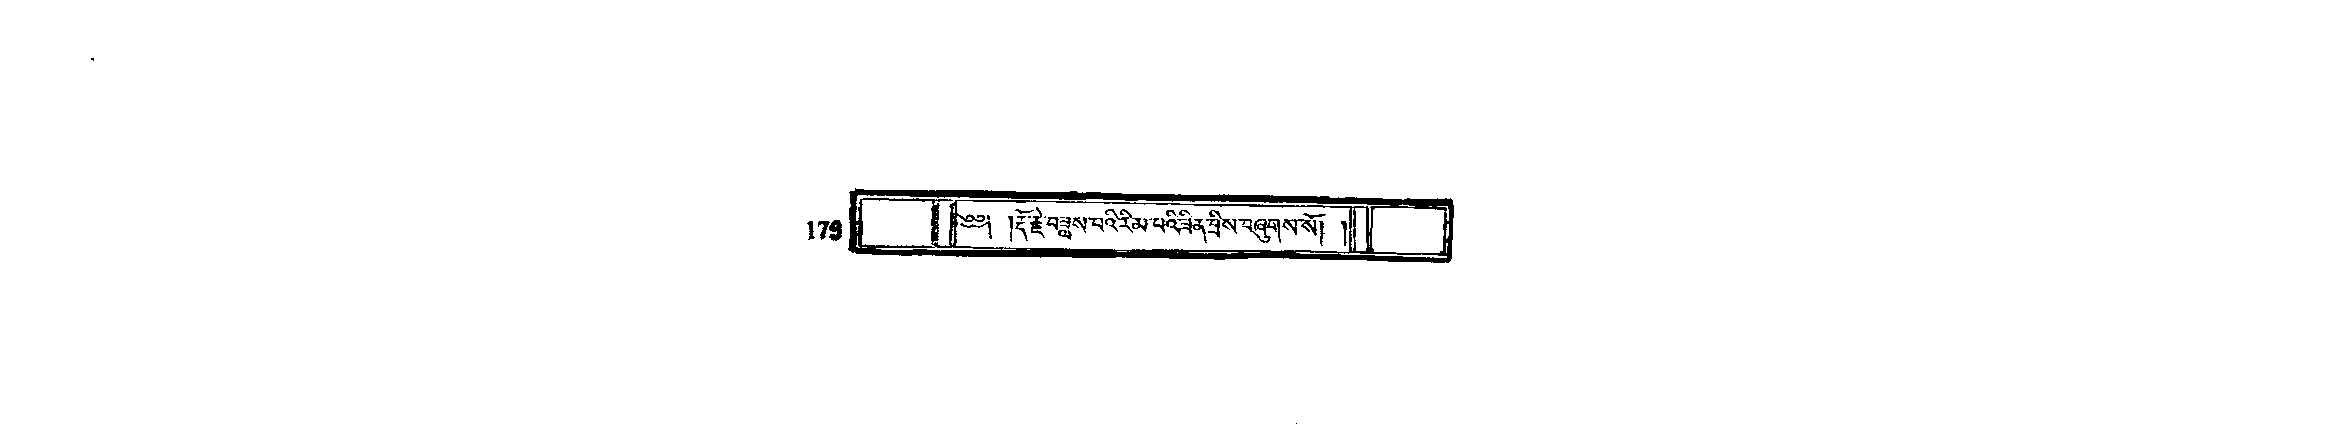༄༅། །རྡོ་རྗེ་བཟླས་པའི་རིམ་པའི་ཟིན་བྲིས་བཞུགས་སོ། །